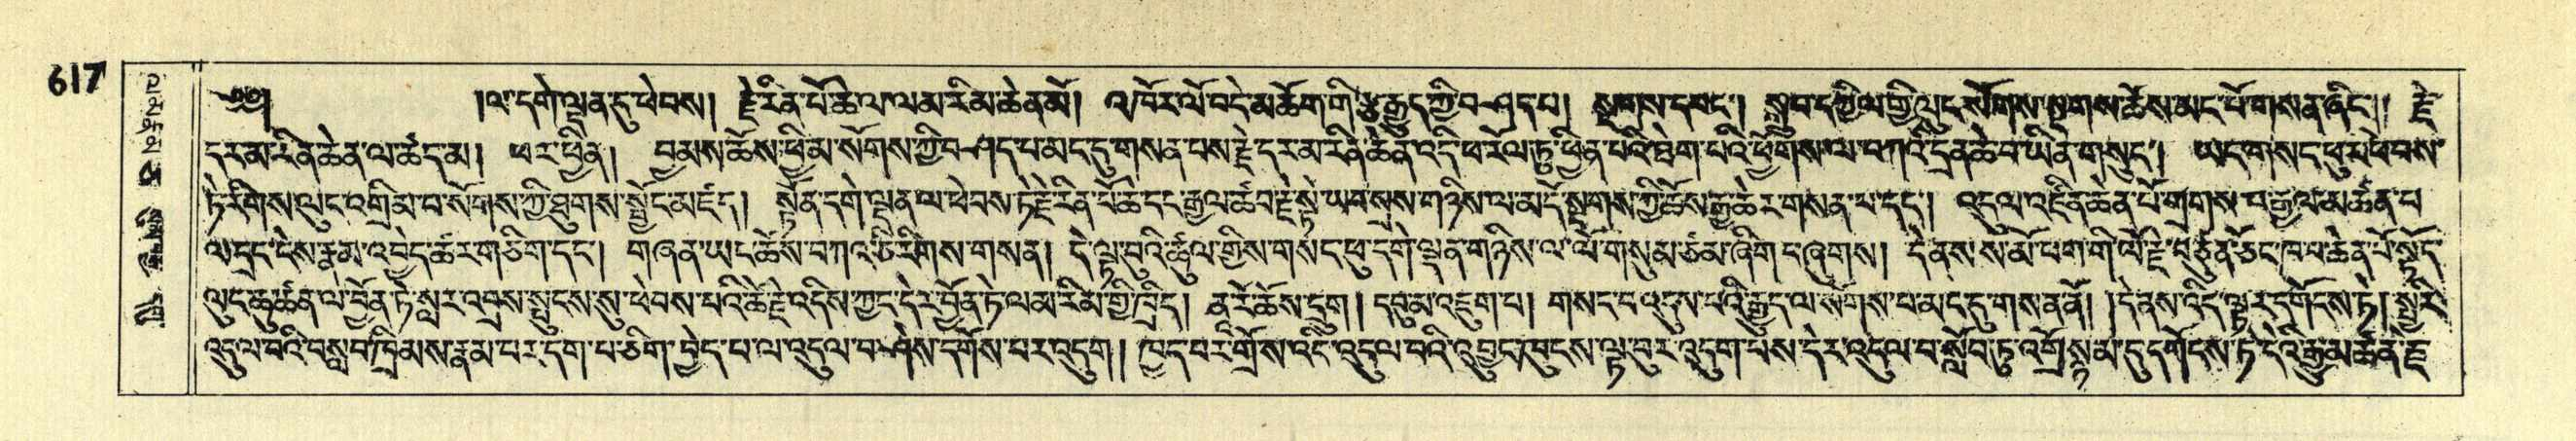༄༅། །ལ་དགེ་ལྡན་དུ་ཕེབས། རྗེ་རིན་པོ་ཆེ་ལ་ལམ་རིམ་ཆེན་མོ། འཁོར་ལོ་བདེ་མཆོག་གི་རྩ་རྒྱུད་ཀྱི་བཤད་པ། སྔགས་དབང་། སྒྲུབ་དཀྱིལ་གྱི་ལུང་སོགས་སྔགས་ཆོས་མང་པོ་གསན་ཞིང།། རྗེ་
དར་མ་རིན་ཆེན་ལ་ཚད་མ། ཕར་ཕྱིན། བྱམས་ཆོས་ཕྱི་མ་སོགས་ཀྱི་བཤད་པ་མང་དུ་གསན་བས་རྗེ་དར་མ་རིན་ཆེན་འདི་ཕ་རོལ་ཏུ་ཕྱིན་པའི་ཐེག་པའི་ཕྱོགས་ལ་བཀའ་དྲན་ཆེ་བ་ཡིན་གསུང་། ཡང་གསང་ཕུར་ཕེབས་
ཏེ་རིགས་ལུང་འགྲིམ་བ་སོགས་ཀྱི་ཐུགས་སྦྱོང་མཛད། སྟོན་དགེ་ལྡན་ལ་ཕེབས་ཏེ་རྗེ་རིན་པོ་ཆེ་དང་རྒྱལ་ཚབ་རྗེ་སྟེ་ཡབ་སྲས་གཉིས་ལ་མདོ་སྔགས་ཀྱི་ཆོས་རྒྱ་ཆེར་གསན་པ་དང་། འདུལ་འཛིན་ཆེན་པོ་གྲགས་བ་རྒྱལ་མཚན་པ་
ལ་དྲང་དེས་རྣམ་འབྱེད་ཚར་གཅིག་དང་། གཞན་ཡང་ཆོས་བཀའ་ཅི་རིགས་གསན། དེ་ལྟ་བུའི་ཚུལ་གྱིས་གསང་ཕུ་དགེ་ལྡན་གཉིས་ལ་ལོ་གསུམ་ཙམ་ཞིག་བཞུགས། དེ་ནས་ས་མོ་ཕག་གི་ལོ་རྗེ་བཙུན་ཅོང་ཁ་པ་ཆེན་པོ་སྟོད་
ལུང་ཆུ་ཚན་ལ་བྱོན་ཏེ་སླར་འབྲས་སྤུངས་སུ་ཕེབས་པའི་ཚེ་རྗེ་འདིས་ཀྱང་དེར་བྱོན་ཏེ་ལམ་རིམ་གྱི་ཁྲིད། ནཱ་རོ་ཆོས་དྲུག། དབུ་མ་འཇུག་པ། གསང་བ་འདུས་པའི་རྒྱུད་ལ་སོགས་པ་མང་དུ་གསན་ནོ། །དེ་ནས་འདི་ལྟར་དགོངས་ཏེ། སྤྱིར་
འདུལ་བའི་བསླབ་ཁྲིམས་རྣམ་པར་དག་པ་ཅིག་བྱེད་པ་ལ་འདུལ་བ་ཤེས་དགོས་པར་འདུག །ཁྱད་བར་གྲོས་འདི་འདུལ་བའི་འབྱུང་ཁུངས་ལྟ་བུར་འདུག་པས་དེར་འདུལ་བ་སློབ་ཏུ་འགྲོ་སྙམ་དུ་དགོངས་ཏེ་དེའི་རྒྱུ་མཚན་རྗེ་